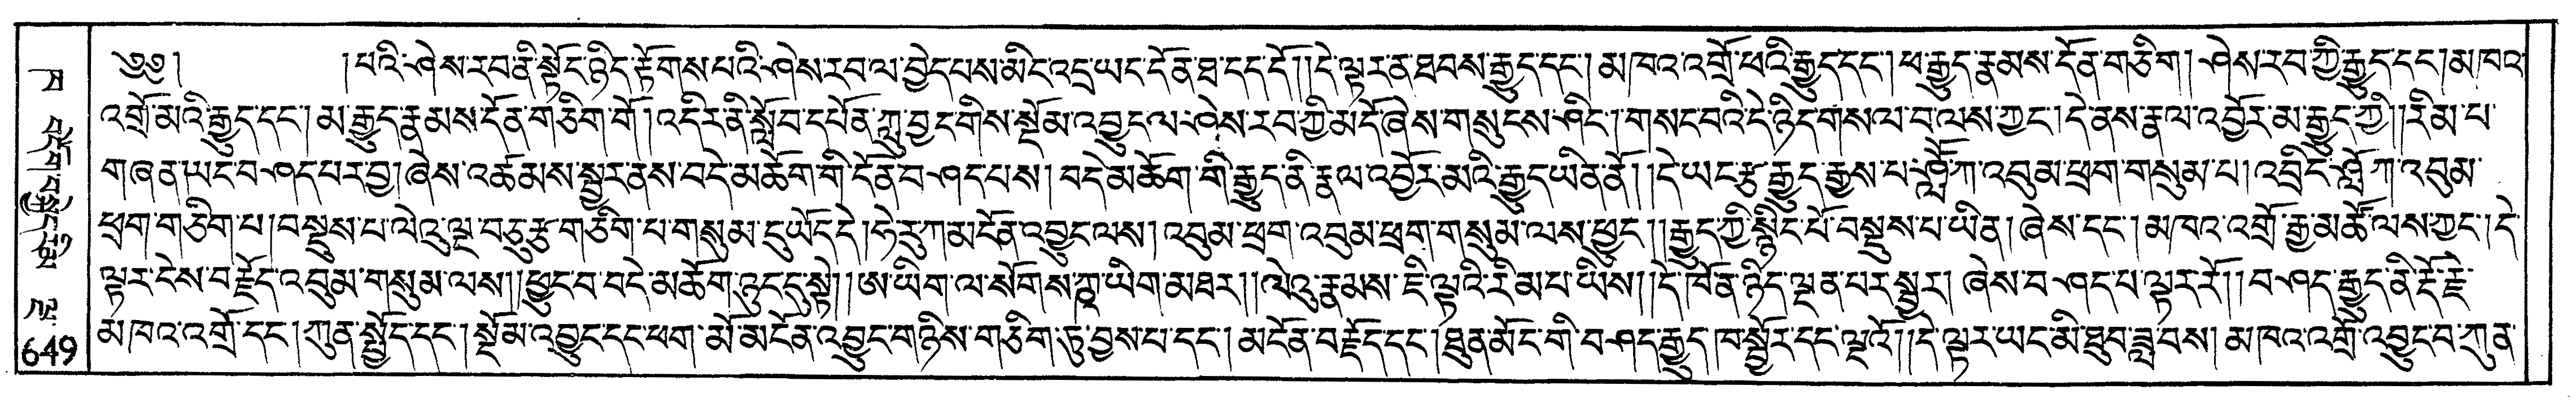༄༅། །པའི་ཤེས་རབ་ནི་སྟོང་ཉིད་རྟོགས་པའི་ཤེས་རབ་ལ་བྱེད་པས་མིང་འདྲ་ཡང་དོན་ཐ་དད་དོ། །དེ་ལྟར་ན་ཐབས་རྒྱུད་དང་། མཁའ་འགྲོ་ཕའི་རྒྱུད་དང་། ཕ་རྒྱུད་རྣམས་དོན་གཅིག །ཤེས་རབ་ཀྱི་རྒྱུད་དང་། མཁའ་
འགྲོ་མའི་རྒྱུད་དང་། མ་རྒྱུད་རྣམས་དོན་གཅིག་གོ །འདིར་ནི་སློབ་དཔོན་ཀླུ་བྱང་གིས་སྡོམ་འབྱུང་ལ་ཤེས་རབ་ཀྱི་མདོ་ཞེས་གསུངས་ཤིང་། གསང་བའི་དེ་ཉིད་གསལ་བ་ལས་ཀྱང་། དེ་ནས་རྣལ་འབྱོར་མ་རྒྱུད་ཀྱི། །རིམ་པ་
གཞན་ཡང་བཤད་པར་བྱ། ཞེས་འཚམས་སྦྱར་ནས་བདེ་མཆོག་གི་དོན་བཤད་པས། བདེ་མཆོག་གི་རྒྱུད་ནི་རྣལ་འབྱོར་མའི་རྒྱུད་ཡིན་ནོ། །དེ་ཡང་རྩ་རྒྱུད་རྒྱས་པ་ཤླཽ་ཀ་འབུམ་ཕྲག་གསུམ་པ། འབྲིང་ཤློ་ཀ་འབུམ་
ཕྲག་གཅིག་པ། བསྡུས་པ་ལེའུ་ལྔ་བཅུ་རྩ་གཅིག་པ་གསུམ་དུ་ཡོད་དེ། ཧེ་རུ་ཀ་མངོན་འབྱུང་ལས། འབུམ་ཕྲག་འབུམ་ཕྲག་གསུམ་ལས་ཕྱུང་། །རྒྱུད་ཀྱི་སྙིང་པོ་བསྡུས་པ་ཡིན། ཞེས་དང་། མཁའ་འགྲོ་རྒྱ་མཚོ་ལས་ཀྱང་། དེ་
ལྟར་ངེས་བརྗོད་འབུམ་གསུམ་ལས། །ཕྱུང་བ་བདེ་མཆོག་ཉུང་དུ་སྟེ། །ཨ་ཡིག་ལ་སོགས་ཀཥ་ཡིག་མཐར། །ལེའུ་རྣམས་ཇི་ལྟའི་རིམ་པ་ཡིས། །དེ་ཁོ་ན་ཉིད་ལྡན་པར་སྦྱར། ཞེས་བཤད་པ་ལྟར་རོ། །བཤད་རྒྱུད་ནི་རྡོ་རྗེ་
མཁའ་འགྲོ་དང་། ཀུན་སྤྱོད་དང་། སྡོམ་འབྱུང་དང་ཕག་མོ་མངོན་འབྱུང་གཉིས་གཅིག་ཏུ་བྱས་པ་དང་། མངོན་བརྗོད་དང་། ཐུན་མོང་གི་བཤད་རྒྱུད་ཁ་སྦྱོར་དང་ལྔའོ། །དེ་ལྟར་ཡང་མི་ཐུབ་ཟླ་བས། མཁའ་འགྲོ་འབྱུང་བ་ཀུན་